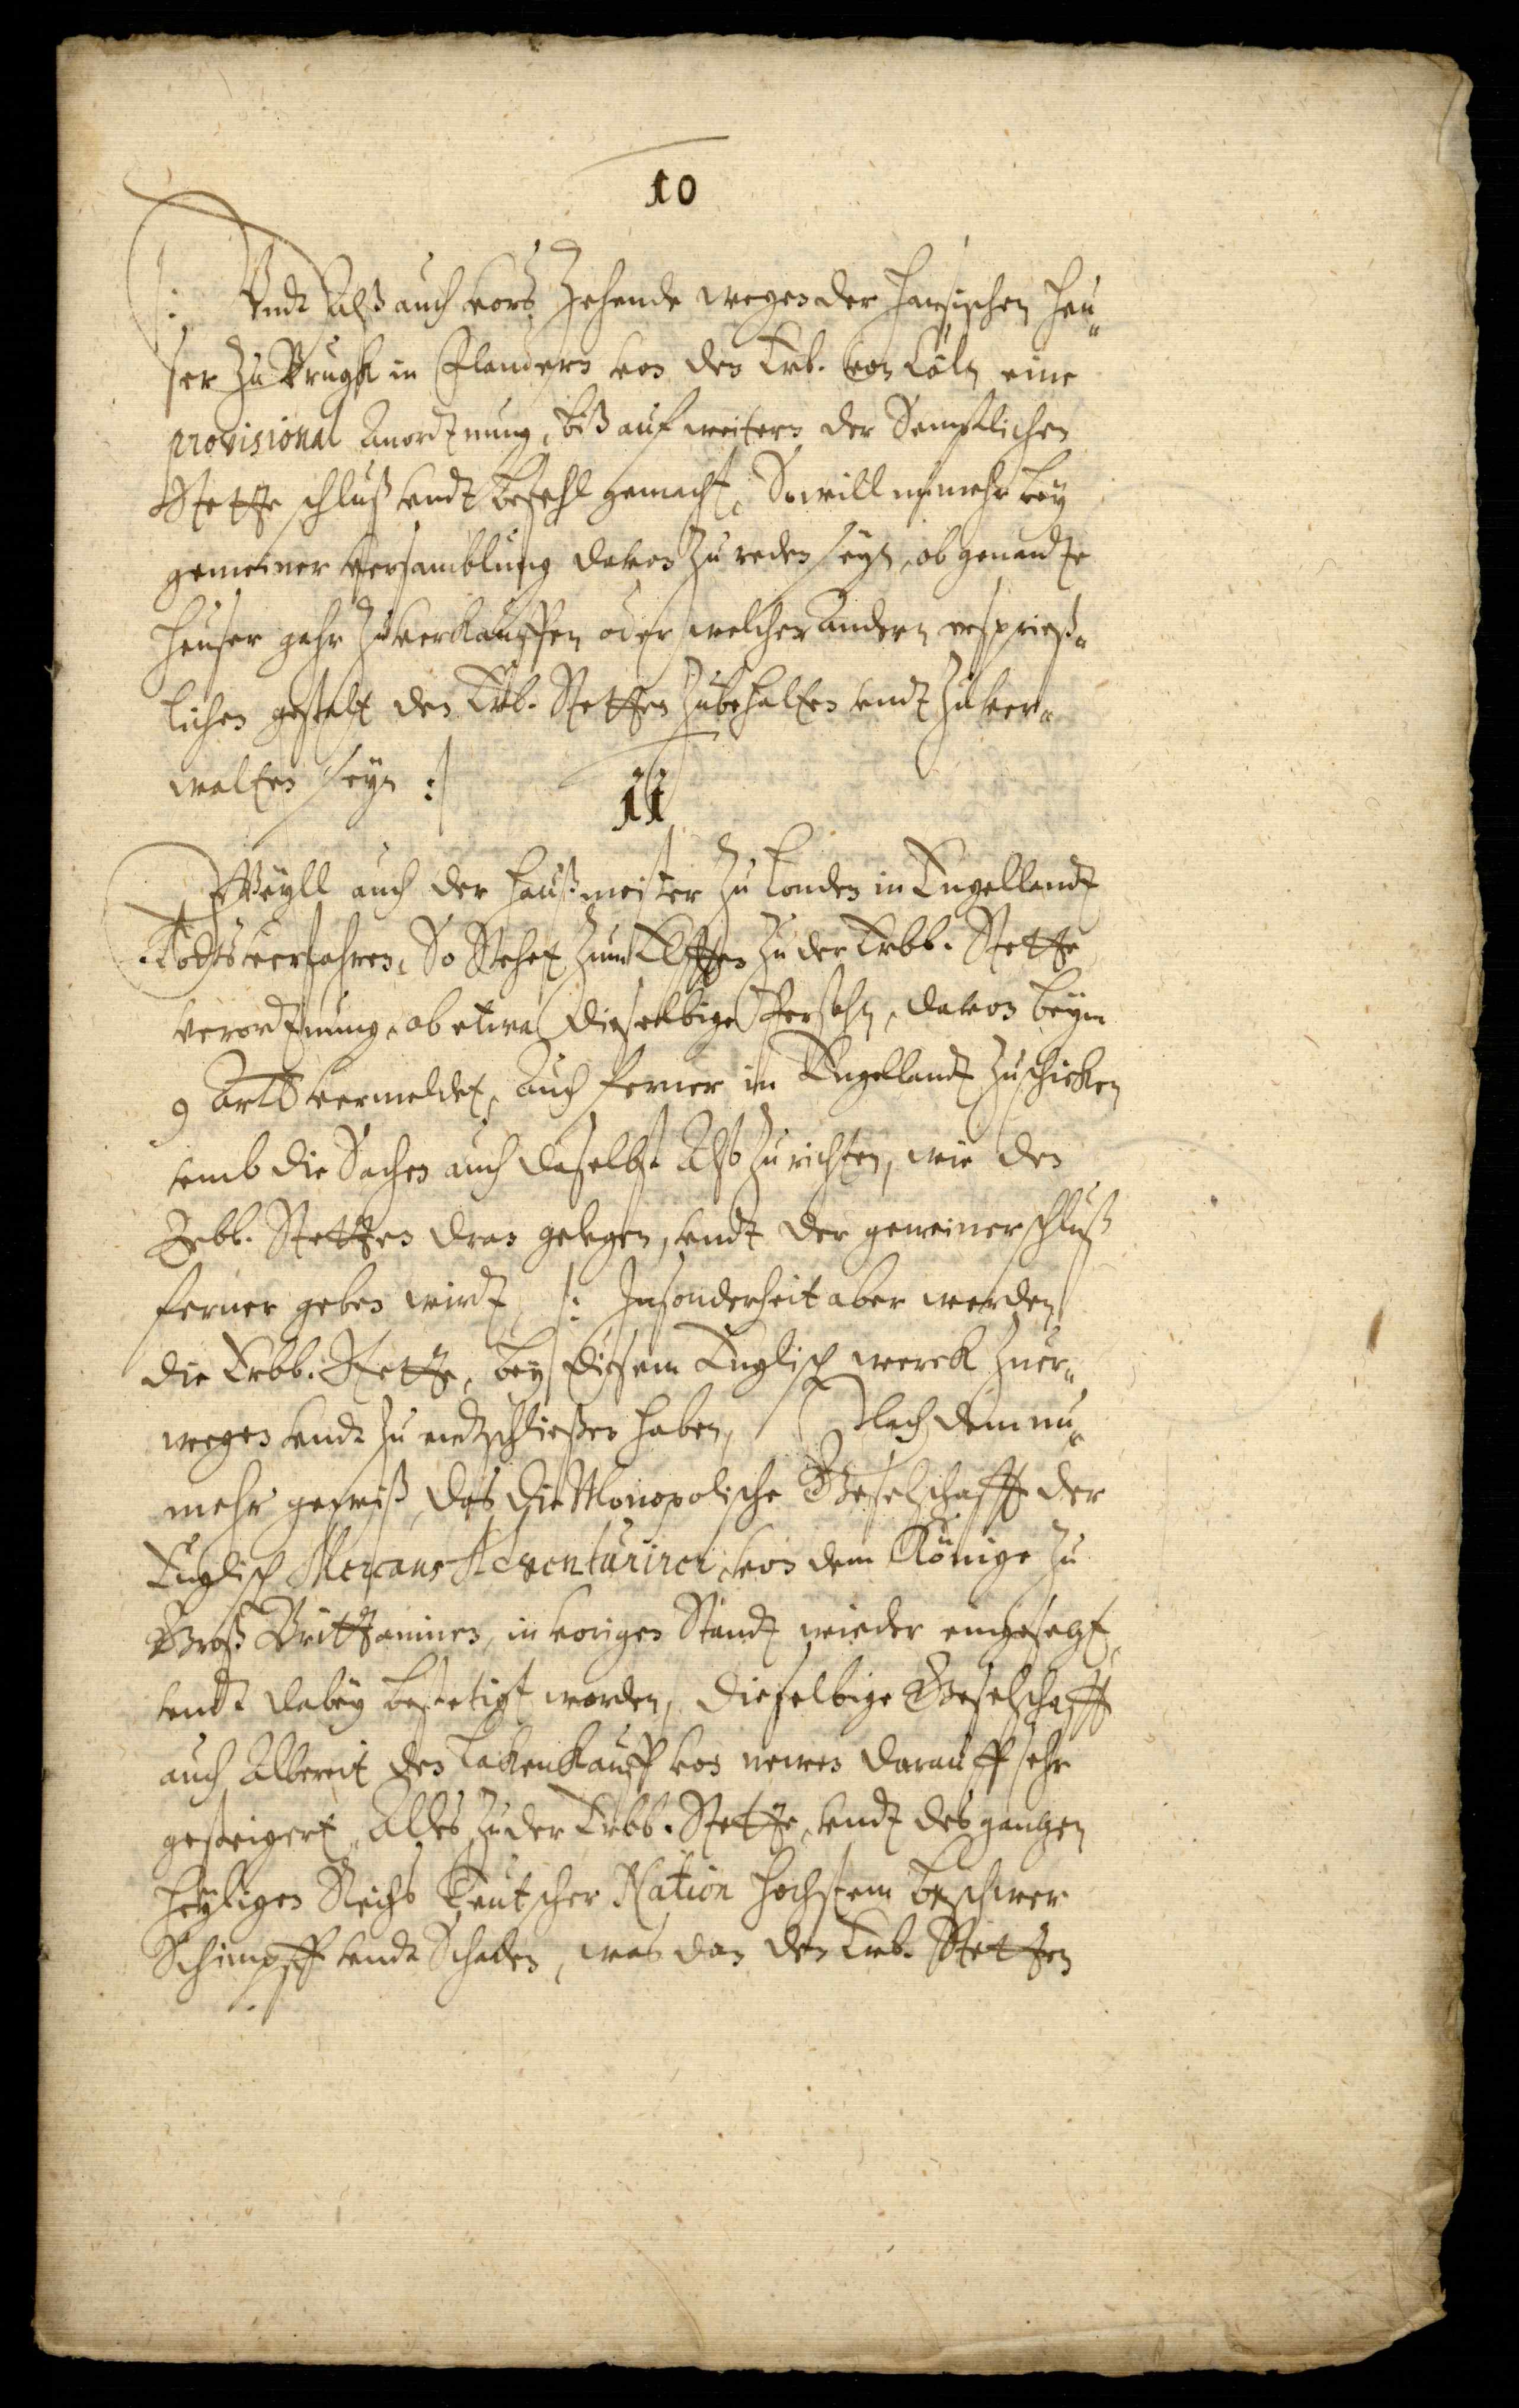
10
Vndt Alß auch vors Zehende wegen der hansischen heu¬
ser zu Brugk in Flandern von den Erb. von Cöln eine
provisional Anordtnung, biß auf weitern der Semptlichen
Stette schluß vndt befehl gemacht, So will numehr beij
gemeiner versamblung davon zu reden seijn, ob genandte
heuser gahr zu verkauffen oder welcher Andern ersprieß¬
lichen gestalt den Erb. Stetten zubehalten vndt zuver¬
walten seijn :/
11
Weijll auch der haußmeister zu Londen in Engellandt
Todts verfahren, So Stehet zum Elften zu der Erbb: Stette
verordtnung, ob etwa dieselbige Persohn, davon beijm
9 Articul vermeldet, Auch ferner in Engellandt zuschicken
vmb die Sachen auch daselbst Also zu richten, wie den
Erbb. Stetten dran gelegen, vndt der gemeiner schluß
ferner geben wirdt /: Insonderheit aber werden
die Erbb. Stette, beij diesem Englischen werck zuer¬
wegen vndt zu endtschließen haben, Nach dem nu¬
mehr gewiß, das die Monopolische Geselschafft der
Englischen Mercans Adventurirer, von dem Könige zu
Groß Brittannien, in vorigen Standt wieder eingesetzt,
vndt dabeij bestetigt worden, dieselbige Geselschafft
auch Albereit den Lakenkauff von newen darauff sehr
gesteigert, Alles zu der Erbb: Stette, vndt des gantzen
heijligen Reichs Teutscher Nation hochstem beschwer
Schimpff vndt Schaden, was dan den Erb. Stetten
